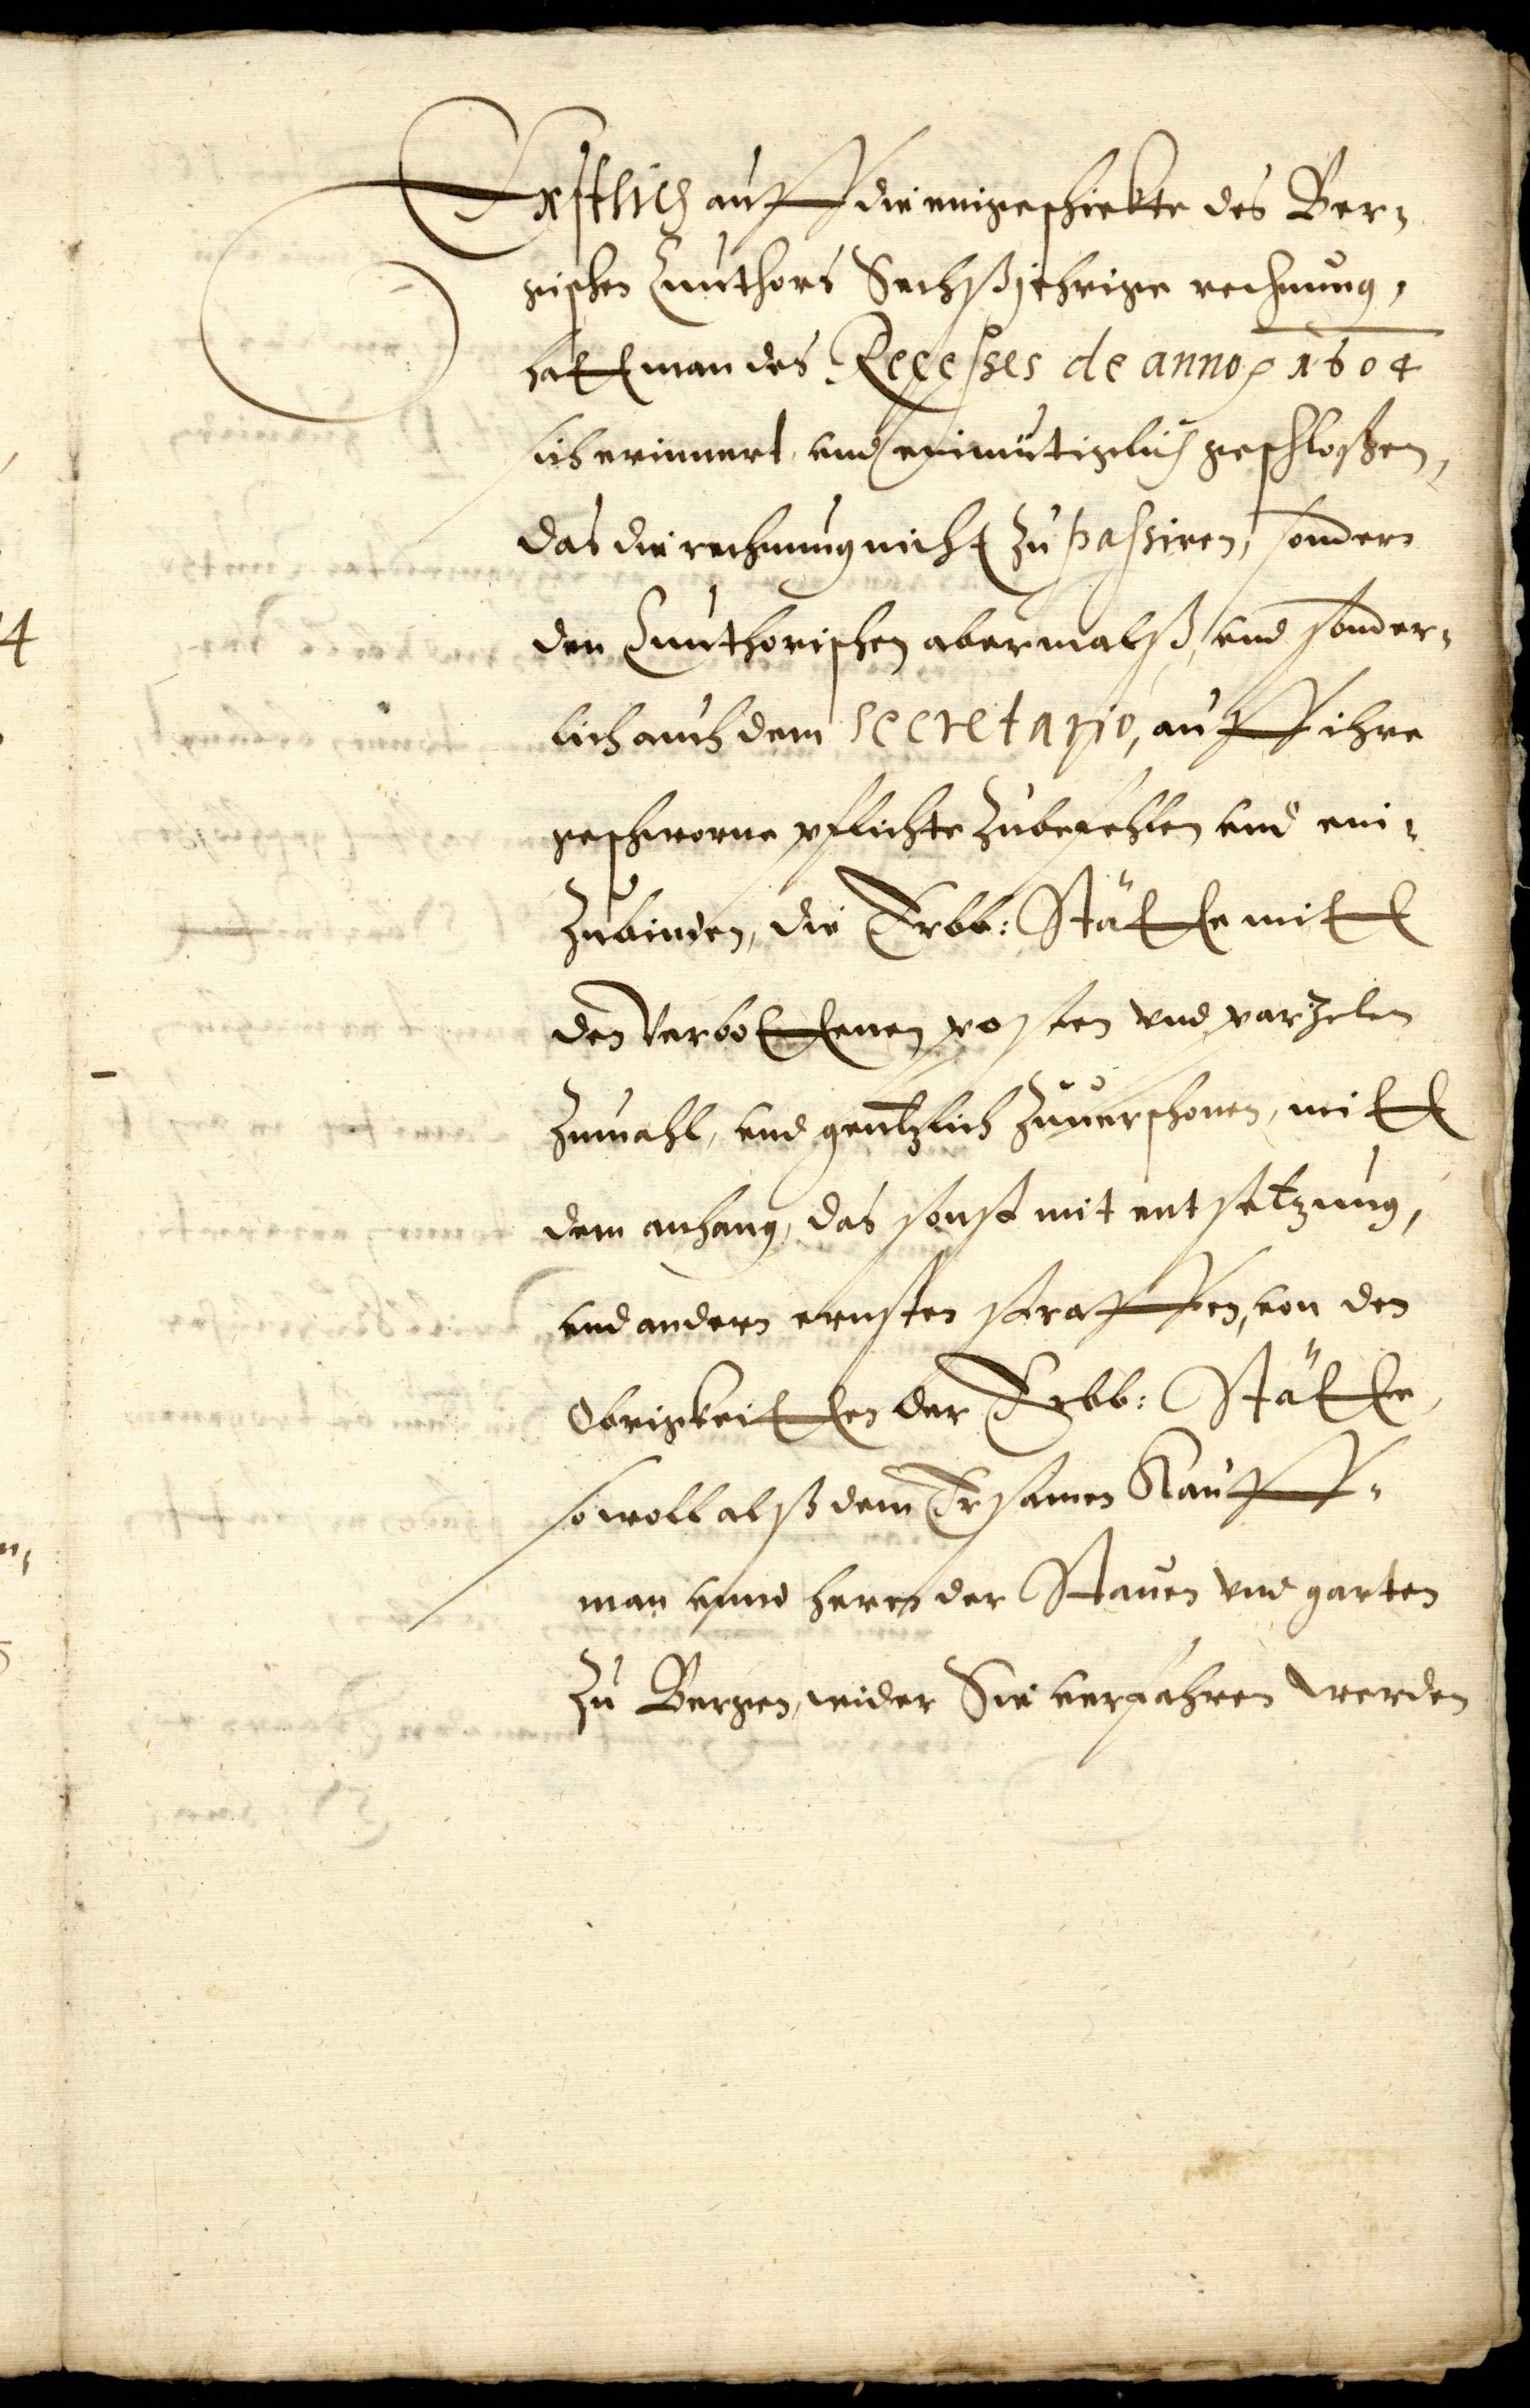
Erstlich auff die eingeschickte des Ber¬
gischen Cunthors Sechßjehrige rechnung,
hatt man des Recesses de anno p 1604
sich erinnert vnd einmütiglich geschloßen,
das die rechnung nicht zu passiren sondern
den Cunthorischen abermalß, vnd sonder¬
lich auch dem secretario, auff ihre
geschworene pflichte Zubefehlen vnd ein¬
Zubinden, die Erbb: Stätte mitt
den Verbottenen posten vnd parzelen
Zumahl, vnd gentzlich Zuuerschonen, mitt
dem anhang, das sonst mit entsetzung,
vnd andern ernsten straffen, von den
Obrigkeitten der Erbb: Stätte,
sowoll alß dem Ersamen Kauff¬
man vnnd herrn der Stauen vnd garten
Zu Bergen wider Sie verfahren werden
